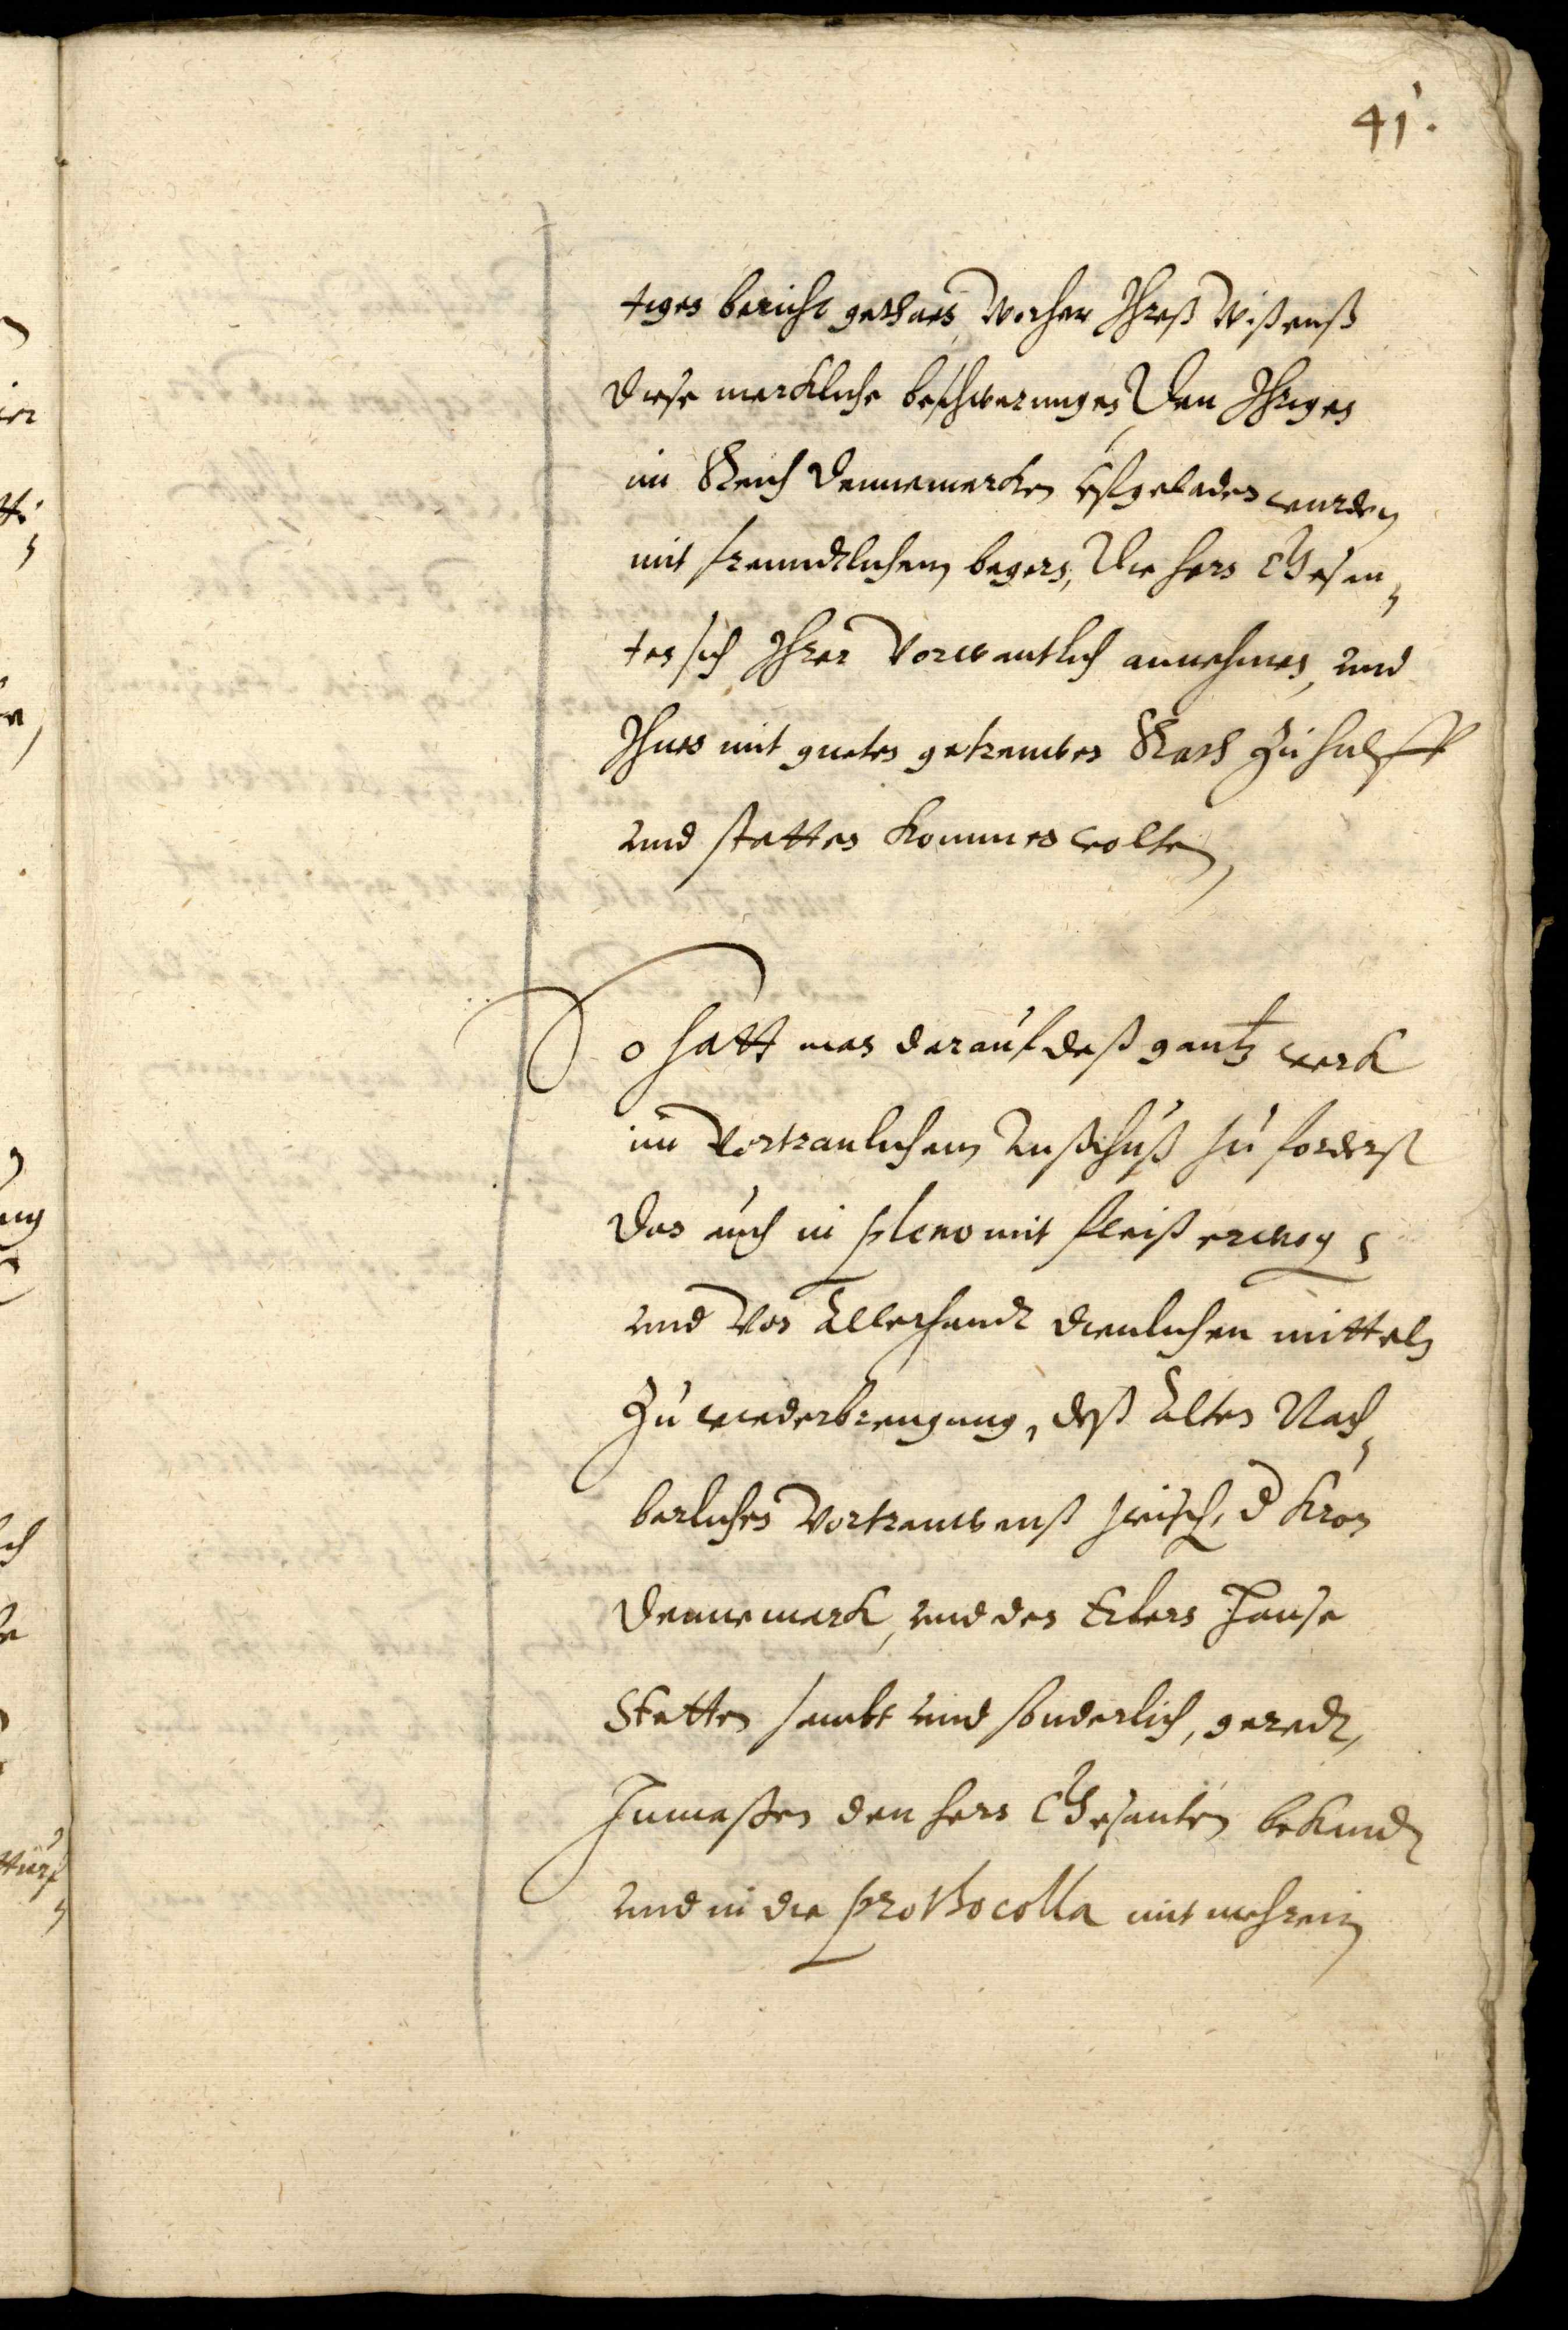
41.
tigen bericht gethan vorher Wißnuß
diese merckliche beschwerungen Den Ihrigen
im Reich Dennemarcken vfgeladen wurden
mit freundtlichem begern Der hern Gesan¬
ten sich Ihrer Vor??antlich annehmen, vnd
Ihnen mit gueten getrenten Rath zu hulff
vnd statten kommen wolten,
So hatt man darauf daß gantz werk
im vertaulichen Außschuß zu forderst
das auch in pleno mit fleiß erwogen
vnd von Allerhandt dienlichen mitteln
zu wiederbrengung, deß Alten Nach¬
barlichen vortrauthnuß zwischen der kron
Dennemarck, vnd den Erbarn hanse
Stetten sambt vnd sonderlich, geredt,
Inmasen den hern Gesanten bekundt
vnd die protocolla mit mehren
